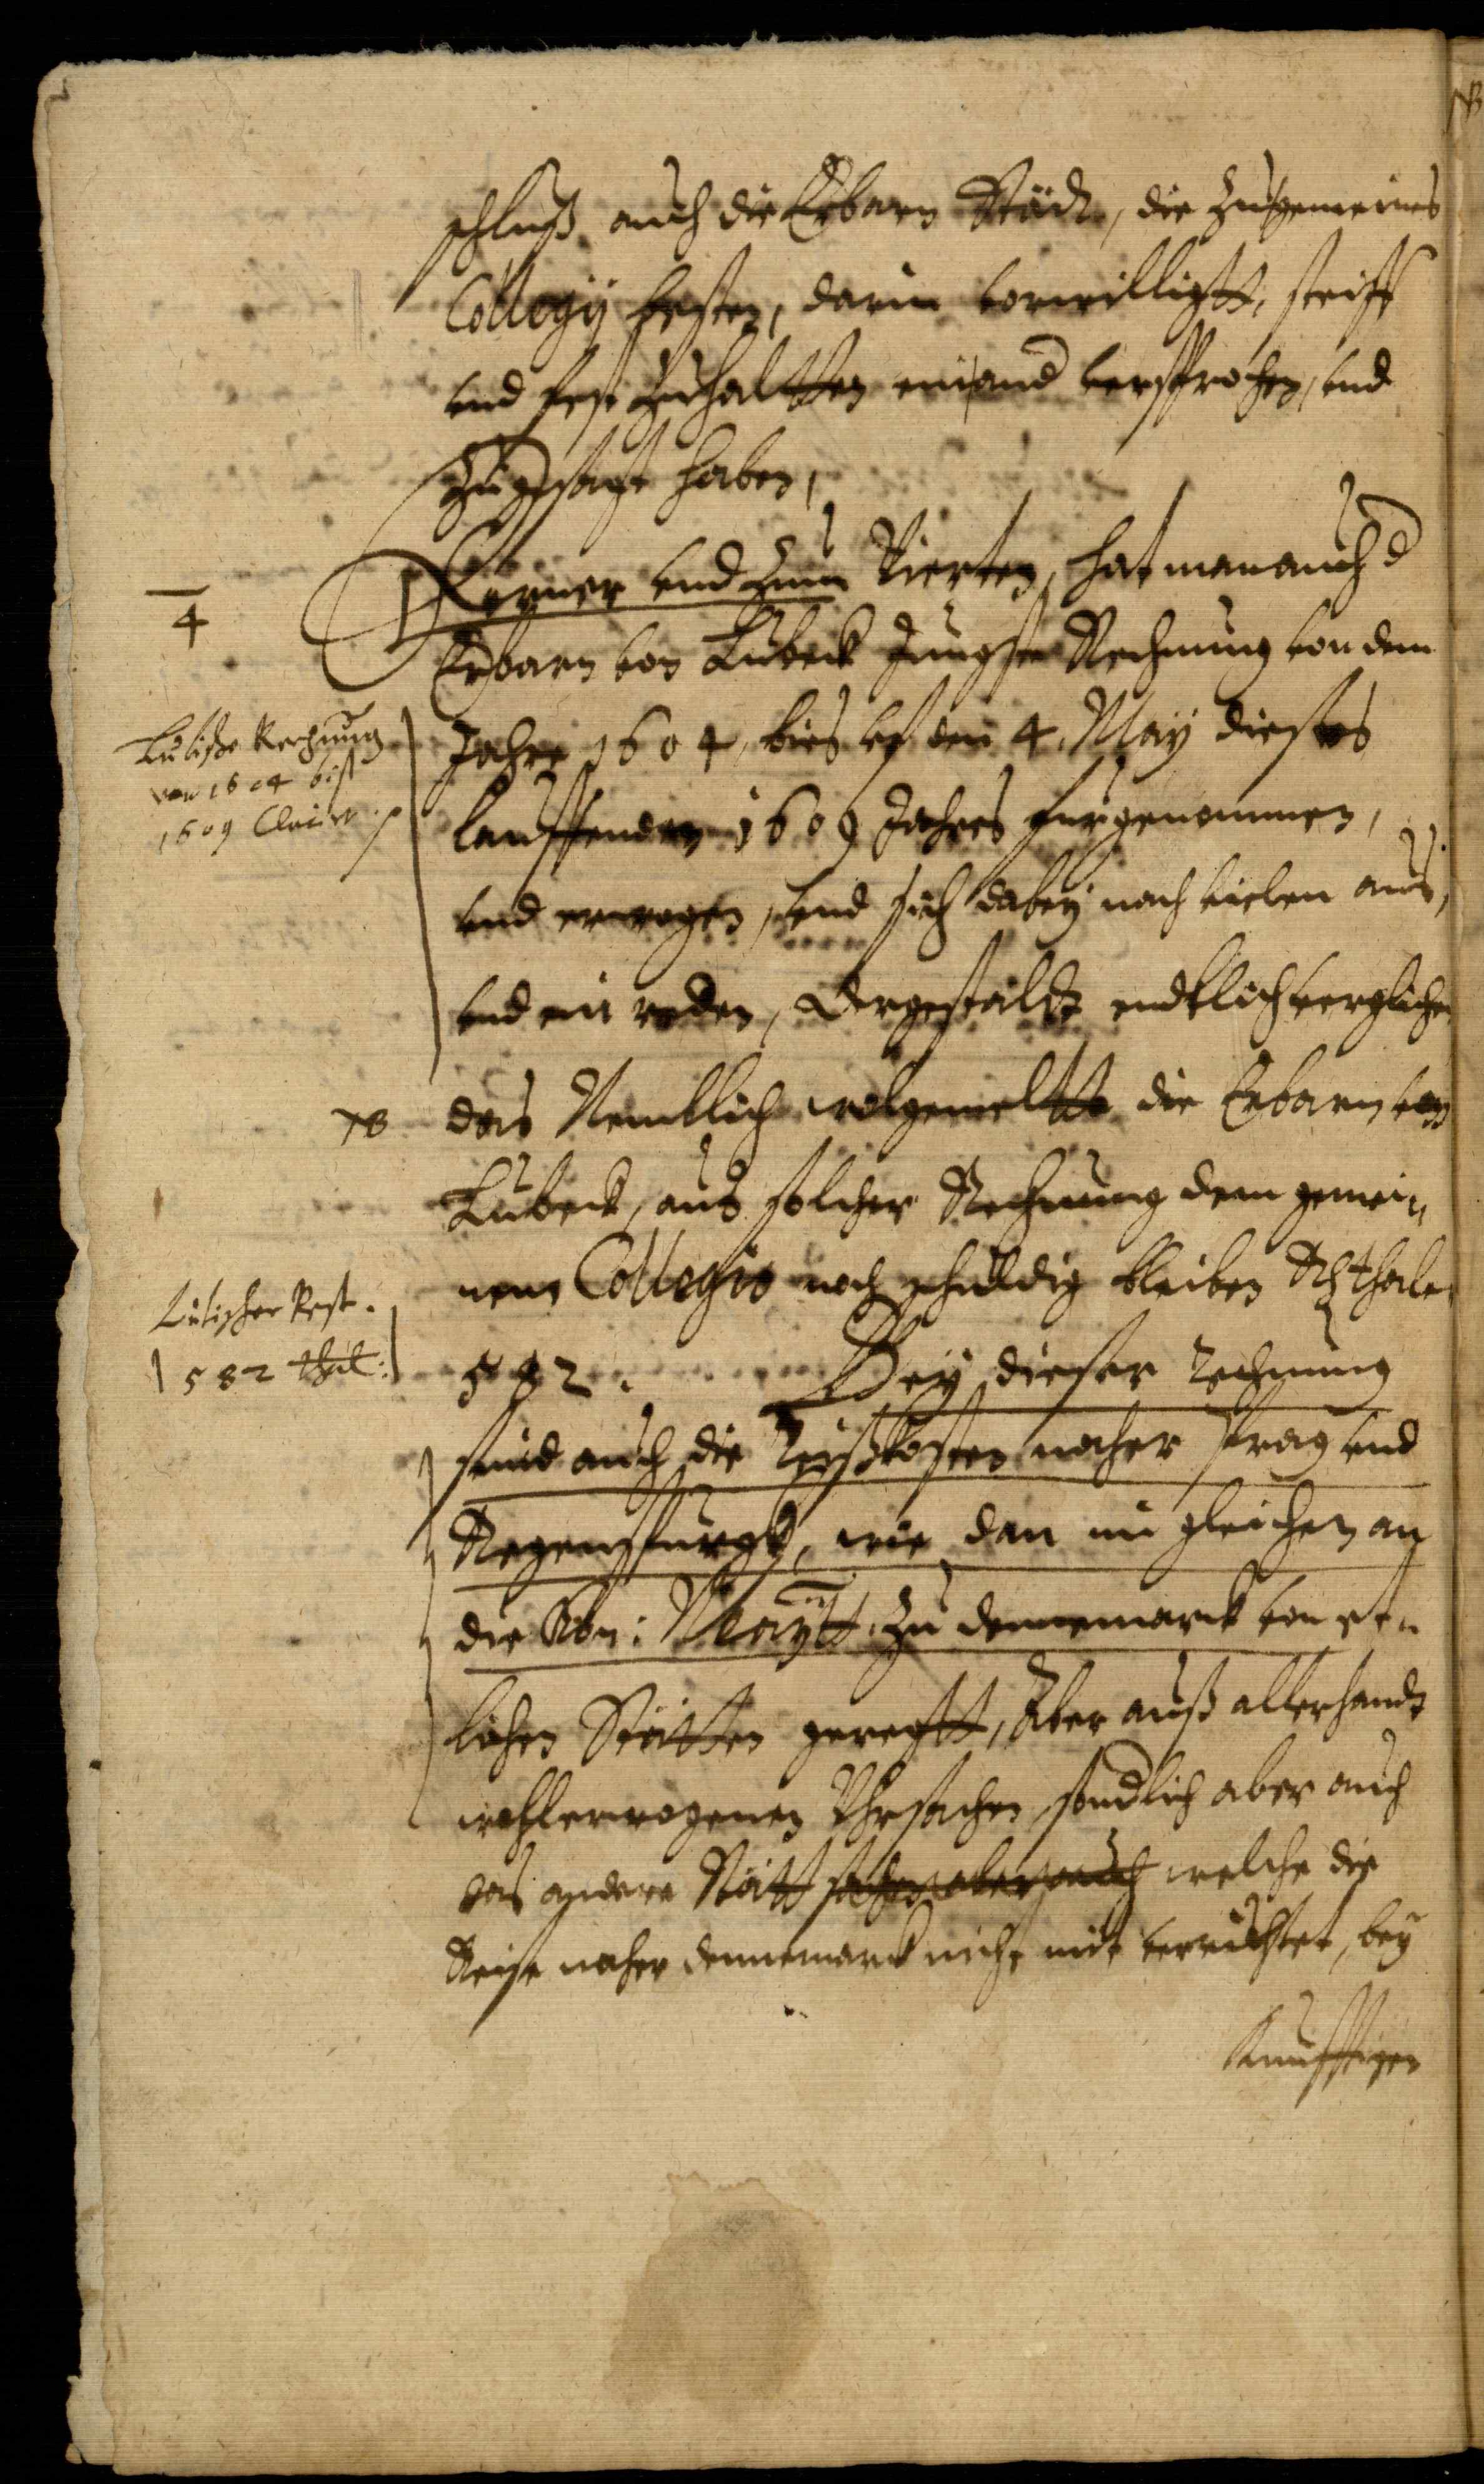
schluß auch die Erbarn Städte, die zugemeines
Collegii festen, darin vorwilligtt, steiff
vnd fest zuhaltten einander versprochen, vnd
zugesagt haben,
4
Lubische Rechnung
von 1604 biß
1609 Clatirt .p
NB
Lübischer Rest.
583 thaler
Ferner vnd zum vierten, hat man auch den
Erbarn von Lubeck jungster Rechnung von dem
Jahre 1604 bis uf den 4. Maij diese
lauffenden 1609 Iahres furgenommen,
vnd erwogen, vnd sich dabeij nach vielen aus
vnd ein reden, dergestallt entlich verglichen
das Nemblich wolgemeltt, die Erbarn von
Lubeck, aus solcher Rechnung dem gemeine¬
nem Collegio noch schuldig bleiben Rhthaler
582. Beij dieser Rechnung
sind auch die Reißkosten naher Prag vnd
Regenspurgk, wie dan in gleichen an
die Kon: Maijtt zu dennemark von et¬
lichen Stätten geregtt, Aber auß allerhandt
wohlerwogenen vhrsachen, sonderlich aber auch
das andere Stätt sachen aber auch welche die
Reise naher dennemark nicht mit verrichtet, beij
kunfftigen
